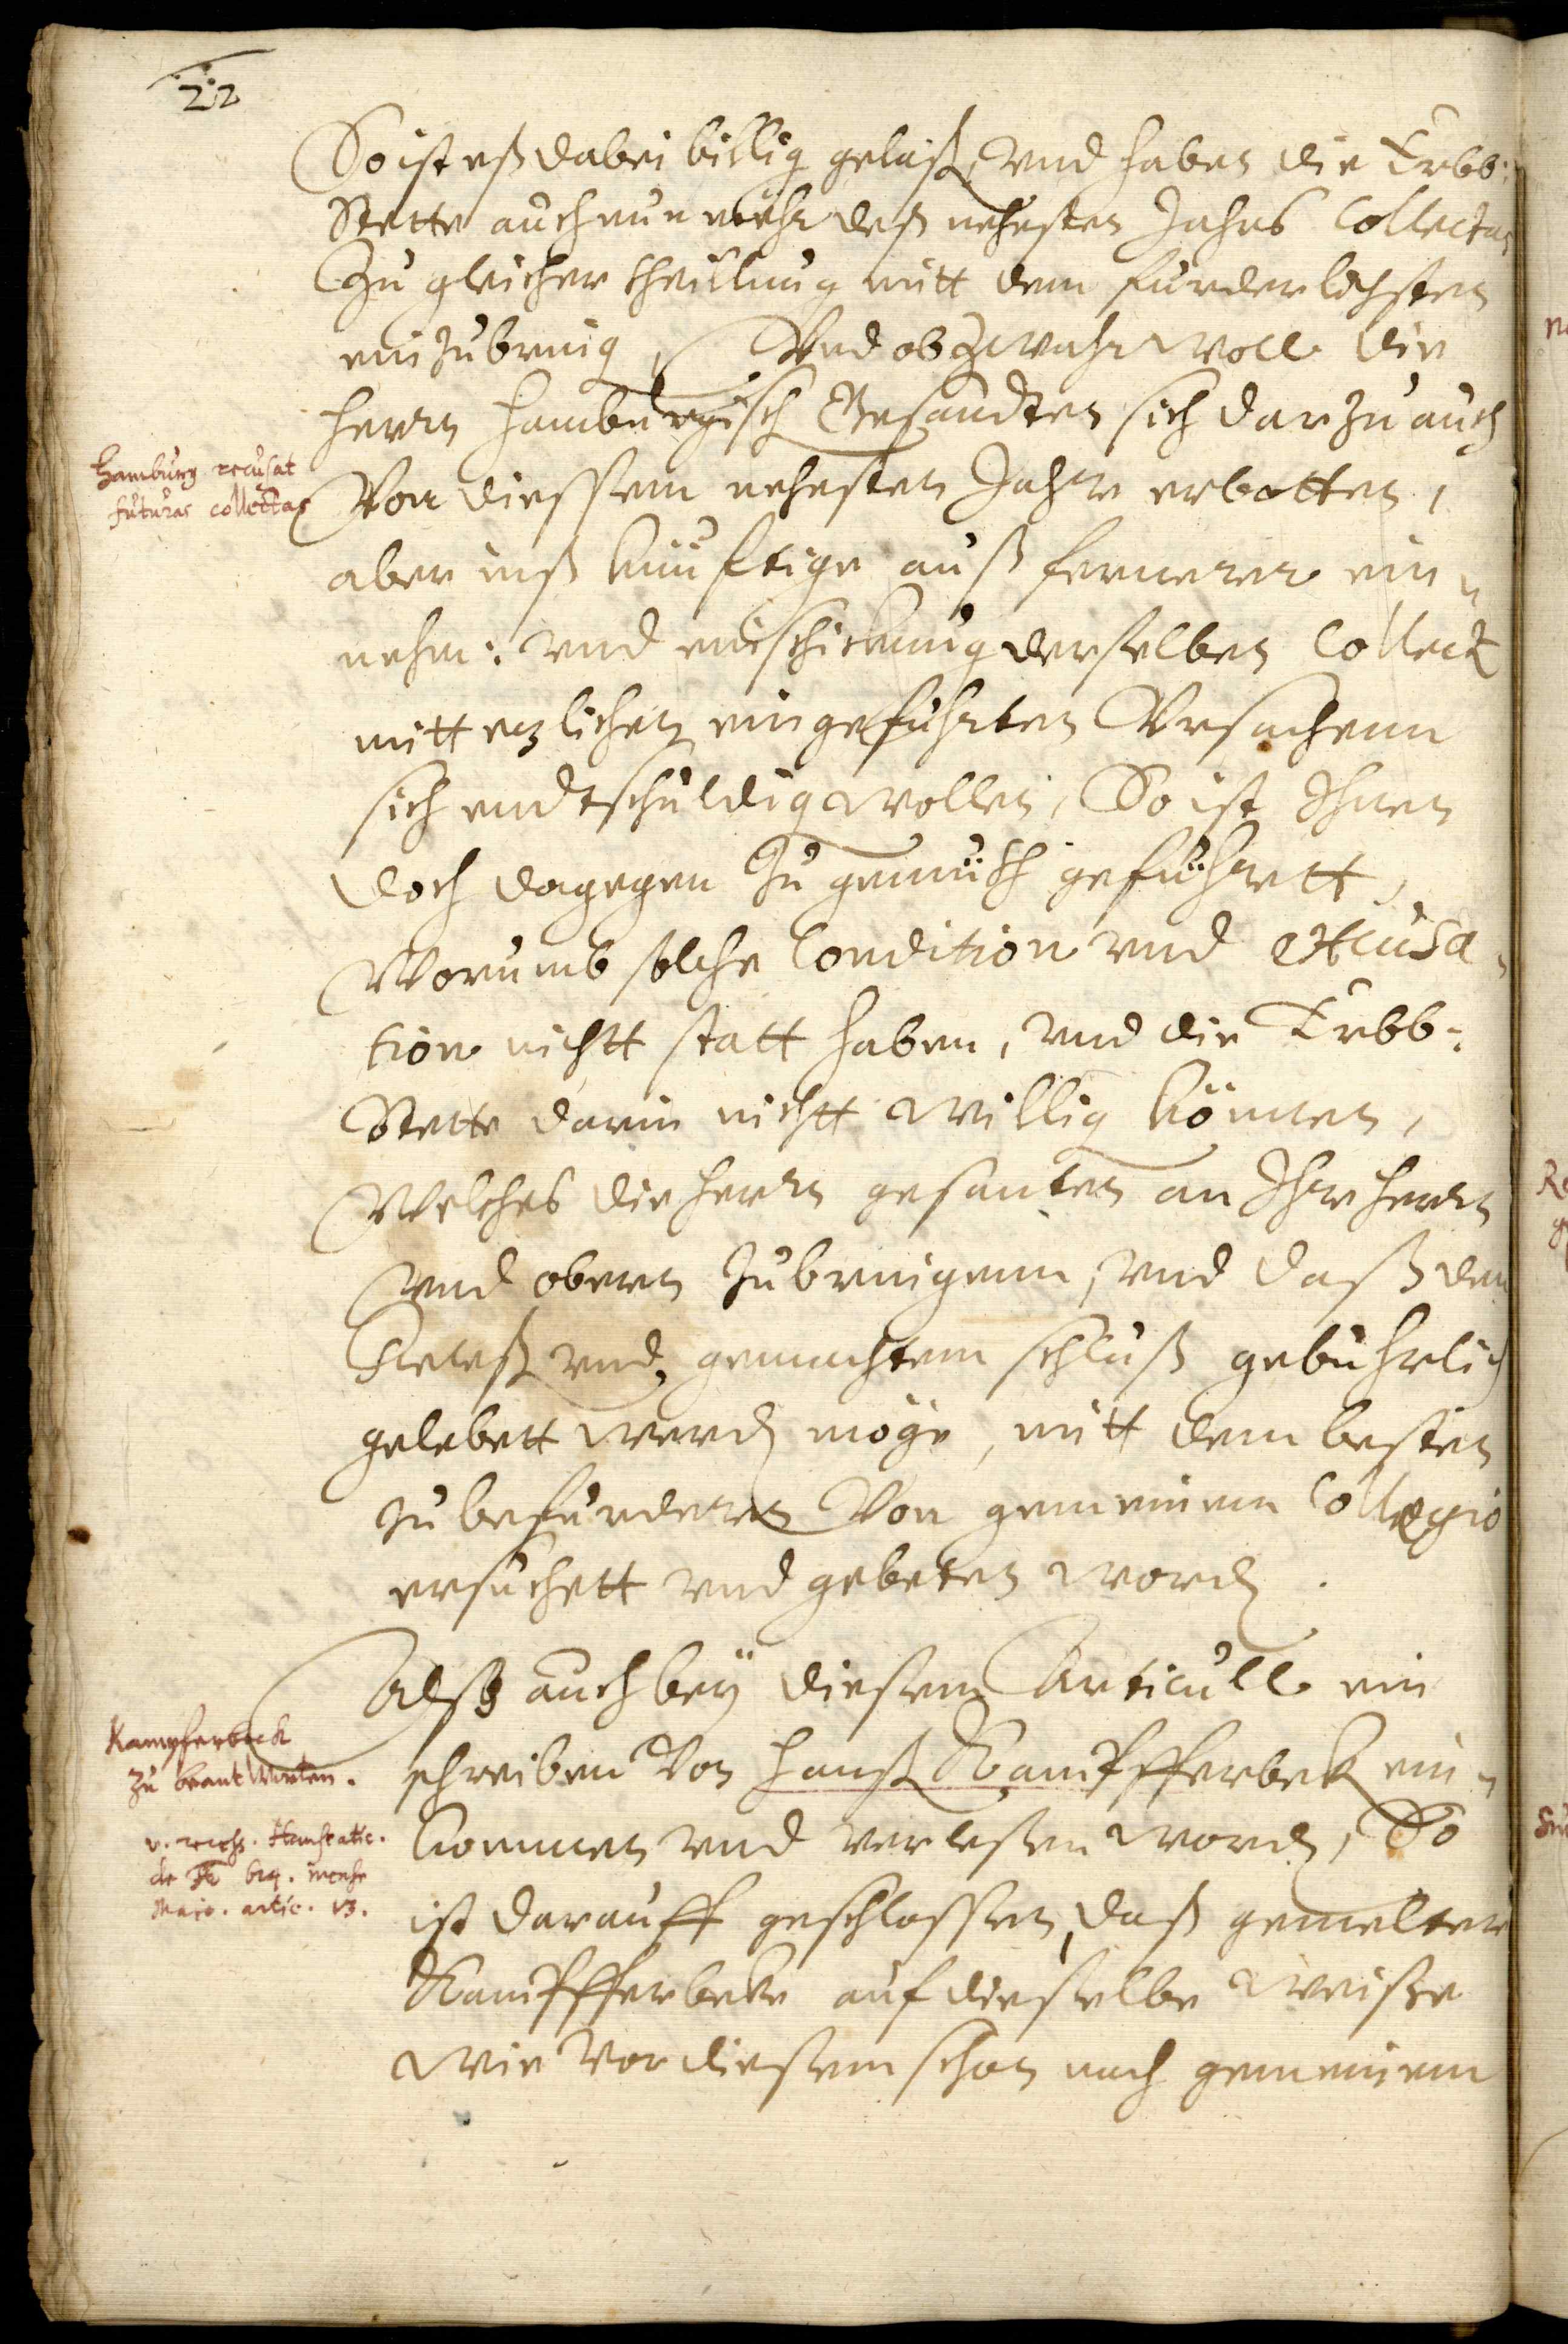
22
So ist eß dabei billig gelaßen, vnd haben die Erbb:
Stette auch nun neuhr deß nehesten Jahrs Collectus
zu gleicher theilung mitt dem furderlichsten
einzubringen, vnd obzwahr woll die
herrn hamburgischen Gesandten sich darzu auch
Vom diessem nehesten Jahrn erbotten,
aber inß künftige auß fernerer ein¬
nehm: vnd einschickung derselben Collecten
mitt etzlichen eingefuhrten Vrsachenn
sich endtschuldigen wollen, So ist Ihnen
doch dagegen Zu gumüth geführett,
Worumb solche Condition vnd excusa¬
tion nichtt statt haben, vnd die Erbb:
Stette darin nichtt willigen können,
Welches die herrn gesanten an Ihre herrn
vnd obern zubringenn, vnd daß den
Receßen vnd gemachtem schluß gebuhrlich
gelebett werden möge, mit dem besten
zu befurderen von gemeinem Collegio
ersuchett vnd gebeten worden.
Hamburg recusat
futuras collectas
Alß auch beij diesem Articull ein
schreiben Von Hansen Kampfferbeken ein¬
kommen vnd verlesen worden, So
ist darauff geschlossen, daß gemelter
Kampfferbeke auf dieselbe weiße
wie Vor diesem schon nach gemeinem
Kampferbeck
zu beantworten.
v. recess. Hanseatic.
de Ao. 614. mense
Maio. artic. 13.
